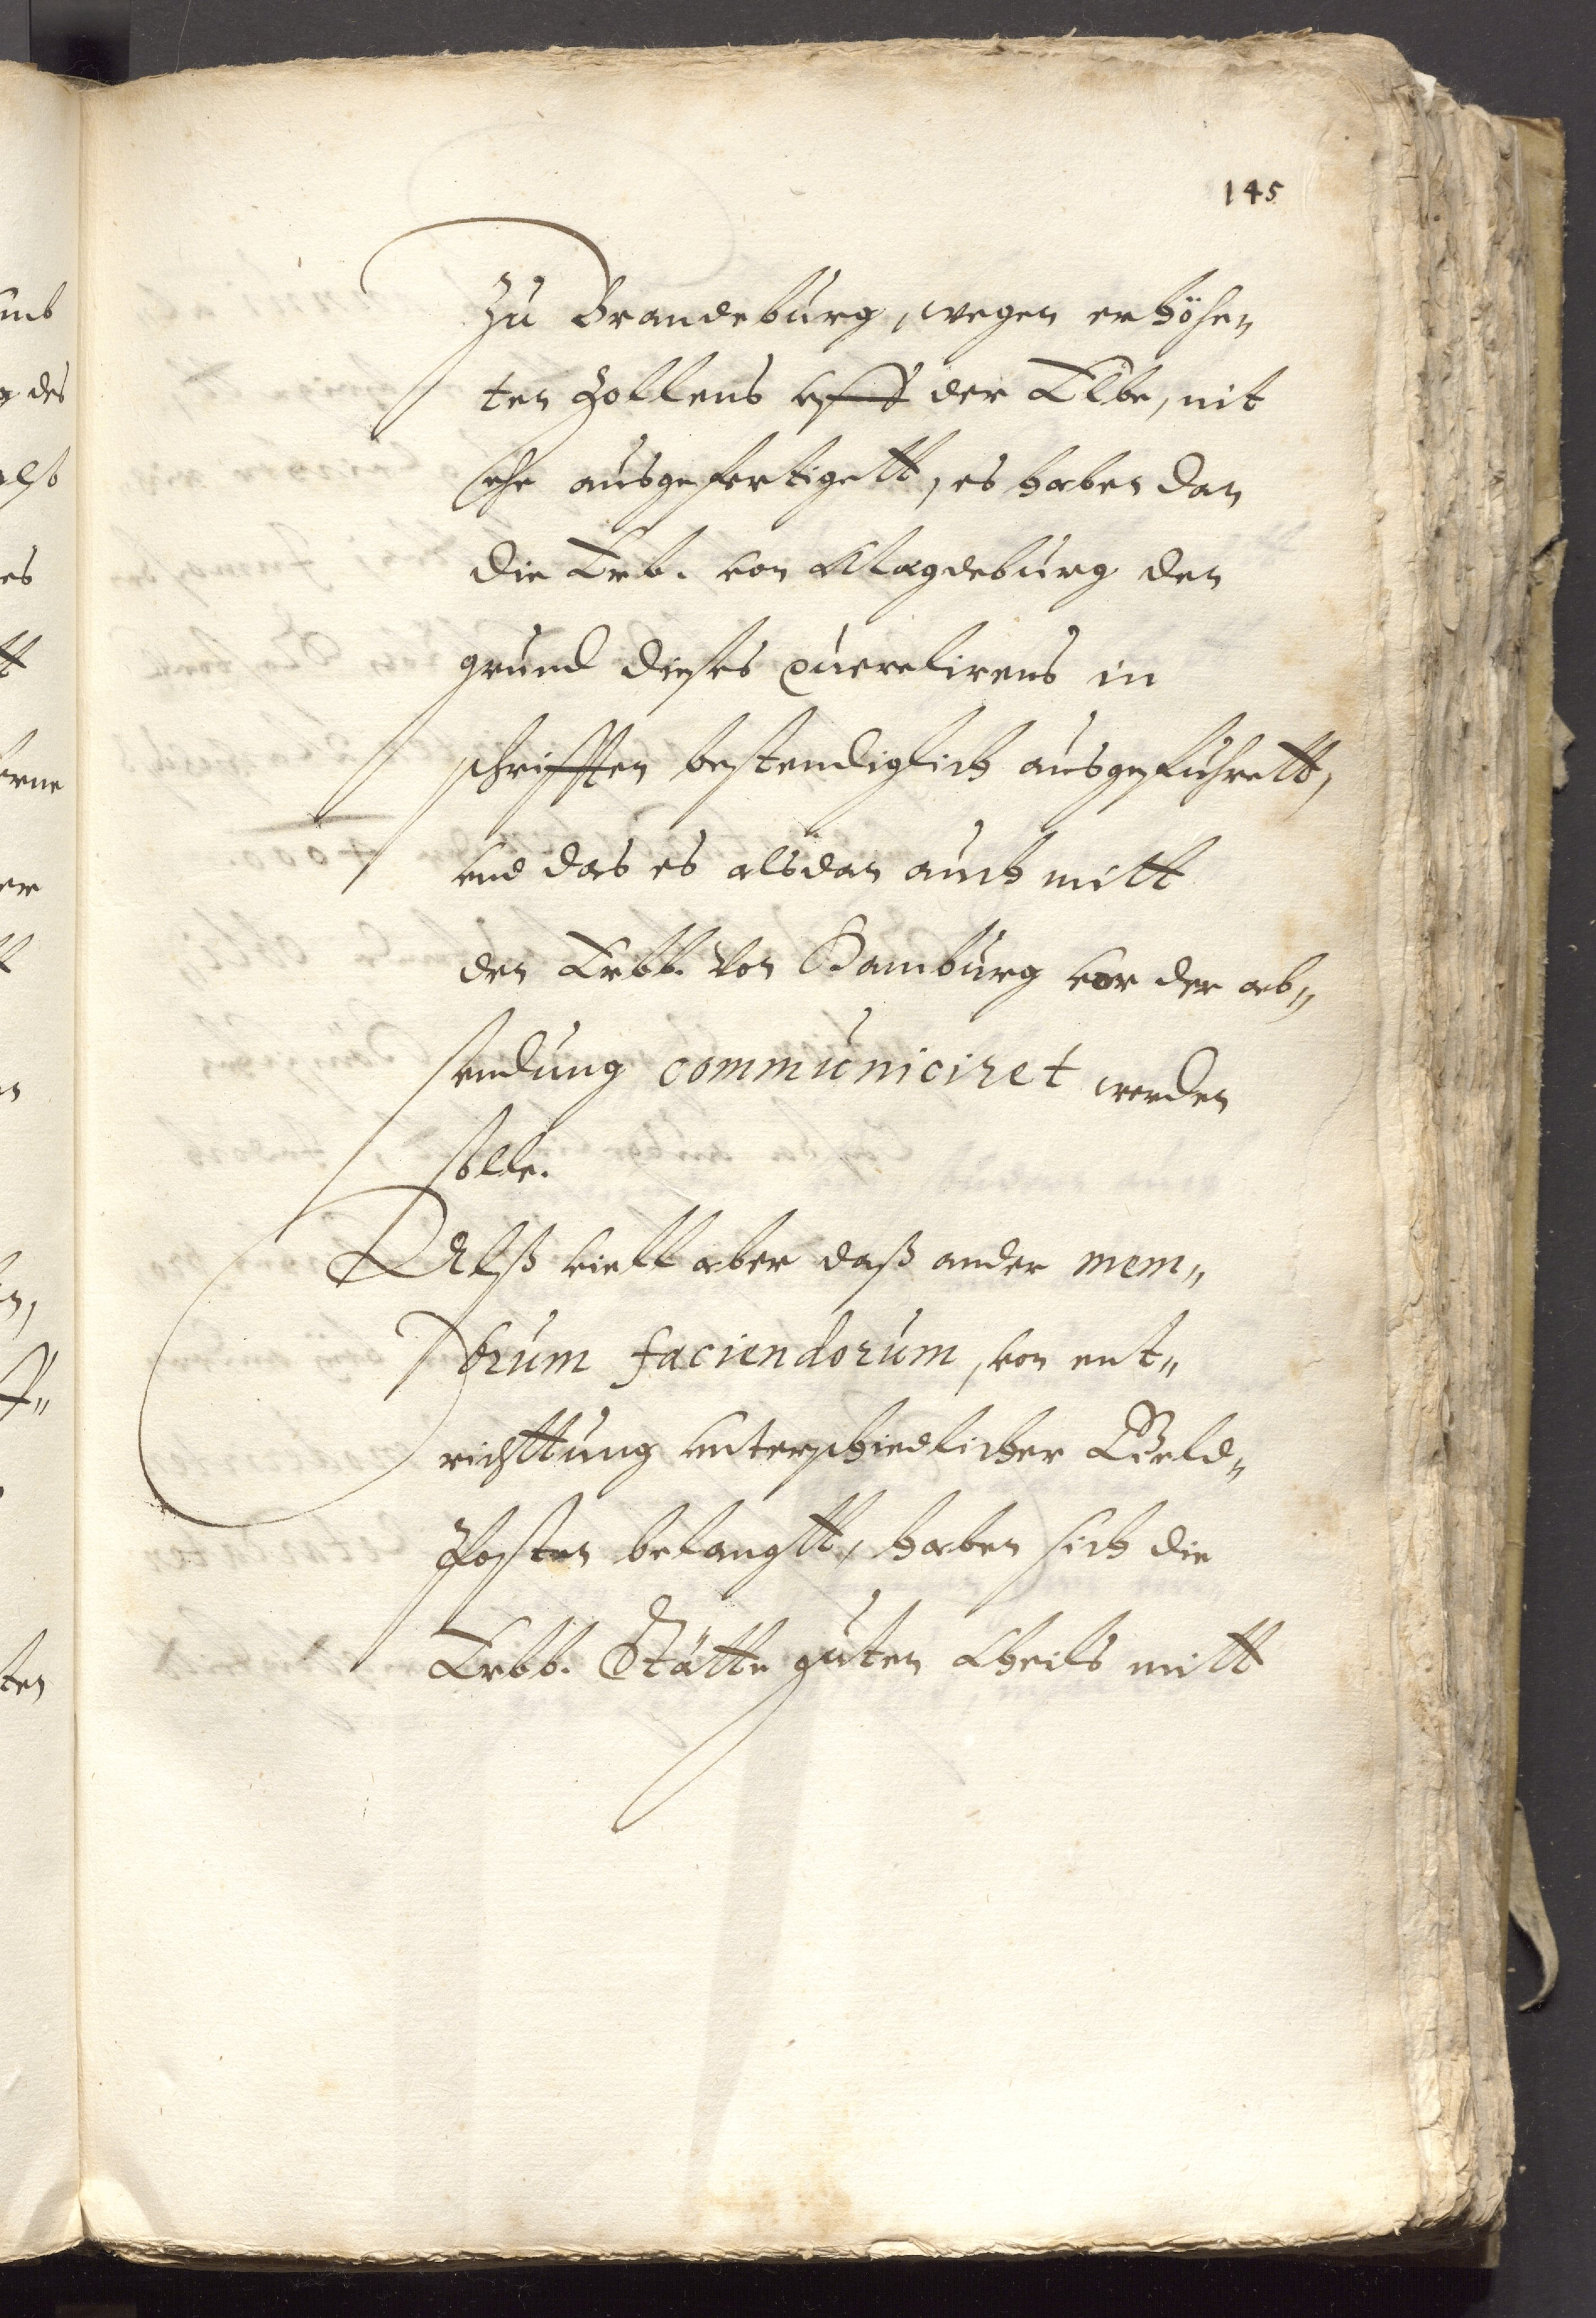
145
zu Brandeburg, wegen erhöhe¬
ten zollens vff der Elbe, nit
ehe ausgefertigett, es haben dan
die Erb. von Magdeburg den
grund dieses querelirens in
schriften bestendiglich ausgefuhrett,
vnd das es alsdan auch mitt
den Erbb. von Hamburg vor der ab¬
sendung communiciret werden
solle.
Alß viell aber daß ander mem¬
orum faciendorum, von ent¬
richttung vnterschiedlicher Geld¬
posten belangtt, haben sich die
Erbb. Stätte guten theils mitt
